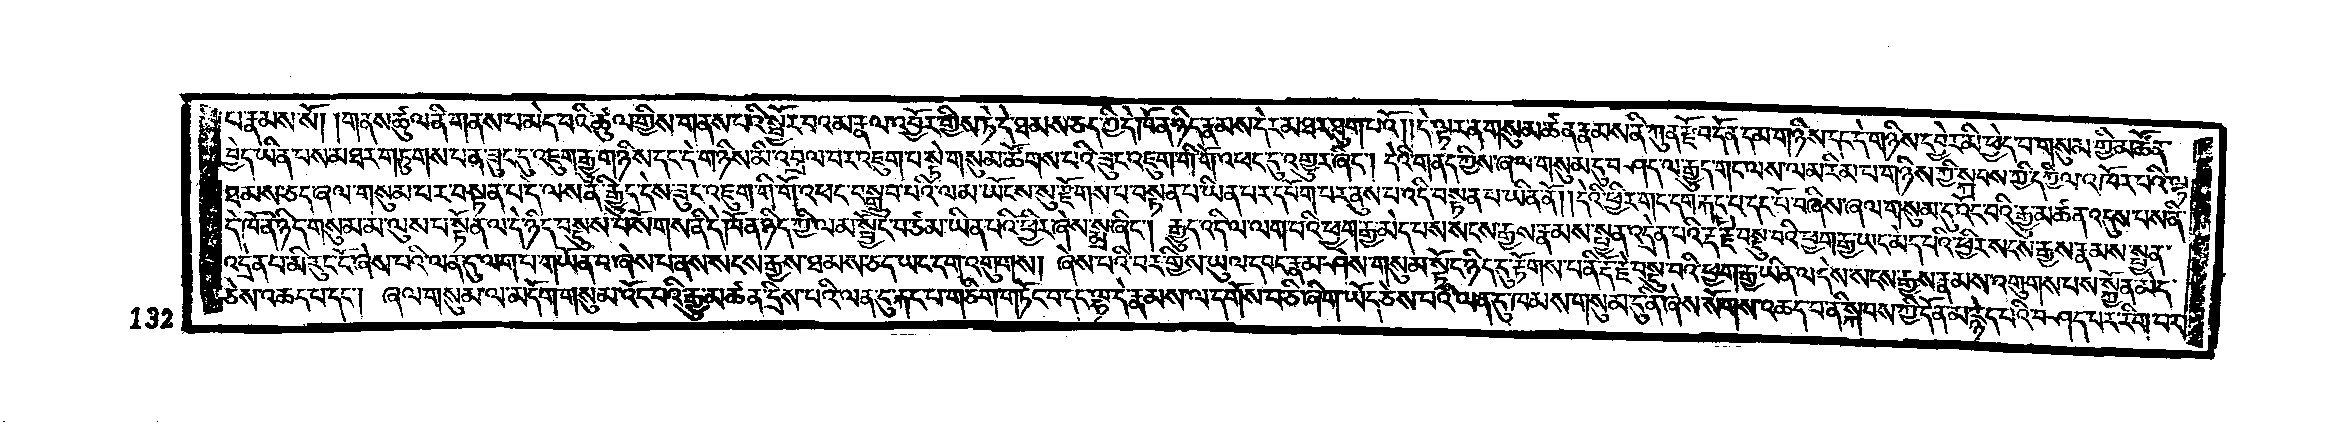པ་རྣམས་སོ། །གནས་ཚུལ་ནི་གནས་པ་མེད་པའི་ཚུལ་གྱིས་གནས་པའི་སྦྱོར་བའམ་རྣལ་འབྱོར་གྱིས་ཏེ་དེ་ཐམས་ཅད་ཀྱི་དེ་ཁོ་ན་ཉིད་རྣམས་དེར་མཐར་ཐུག་པའོ། །དེ་ལྟར་ན་གསུམ་ཚན་རྣམས་ནི་ཀུན་རྫོབ་དོན་དམ་གཉིས་དང་དེ་གཉིས་དབྱེར་མི་ཕྱེད་པ་གསུམ་གྱི་མཚོན་
བྱེད་ཡིན་པས་མཐར་གཏུགས་པ་ན་ཟུང་དུ་འཇུག་རྒྱུ་གཉིས་དང་དེ་གཉིས་མི་འབྲལ་བར་འཇུག་པ་སྟེ་གསུམ་ཚོགས་པའི་ཟུང་འཇུག་གི་གོ་འཕང་དུ་འགྱུར་ཞིང་། དེའི་གནད་ཀྱིས་ཞལ་གསུམ་དུ་བཤད་ལ་རྒྱུད་གང་ལས་ལམ་རིམ་པ་གཉིས་ཀྱི་སྐབས་ཀྱི་དཀྱིལ་འཁོར་པའི་ལྷ་
ཐམས་ཅད་ཞལ་གསུམ་པར་བསྟན་པ་དེ་ལས་ནི་རྒྱུད་དེས་ཟུང་འཇུག་གི་གོ་འཕང་བསྒྲུབ་པའི་ལམ་ཡོངས་སུ་རྫོགས་པ་བསྟན་པ་ཡིན་པར་དཔོག་པར་ནུས་པ་འདི་བསྟན་པ་ཡིན་ནོ། །དེའི་ཕྱིར་གང་དག་རྐང་པ་དང་པོ་བཞིས་ཞལ་གསུམ་དུ་འོང་བའི་རྒྱུ་མཚན་འདུས་པས་ནི་
དེ་ཁོ་ན་ཉིད་གསུམ་མ་ལུས་པ་སྟོན་ལ་དེ་ཉིད་བསྡུས་པ་སོགས་ནི་དེ་ཁོ་ན་ཉིད་ཀྱི་ལམ་སྦྱོང་བ་ཙམ་ཡིན་པའི་ཕྱིར་ཞེས་སྨྲ་ཞིང་། རྒྱུད་འདི་ལ་ལག་པའི་ཕྱག་རྒྱ་མེད་པས་སངས་རྒྱས་རྣམས་སྤྱན་འདྲེན་པའི་རྡོ་རྗེ་བསྡུ་བའི་ཕྱག་རྒྱ་ཡང་མེད་པའི་ཕྱིར་སངས་རྒྱས་རྣམས་སྤྱན་
འདྲེན་པ་མི་རུང་ངོ་ཞེས་པའི་ལན་དུ་ལག་པ་གཡོན་པ་ཞེས་པ་ནས་སངས་རྒྱས་ཐམས་ཅད་ཡང་དག་འགུགས། ཞེས་པའི་བར་གྱིས་ཡུལ་དབང་རྣམས་ཤེས་གསུམ་སྟོང་ཉིད་དུ་རྟོགས་པ་ནི་རྡོ་རྗེ་བསྡུ་བའི་ཕྱག་རྒྱ་ཡིན་ལ་དེས་སངས་རྒྱས་རྣམས་འགུགས་པས་སྐྱོན་མེད་
ཅེས་འཆད་པ་དང་། ཞལ་གསུམ་ལ་མདོག་གསུམ་འོང་པའི་རྒྱུ་མཚན་དྲིས་པའི་ལན་དུ་རྐང་པ་གཅིག་གཏོང་བ་དང་ལྷ་དེ་རྣམས་ལ་དགོས་པ་ཅི་ཞིག་ཡོད་ཅེས་པའི་ལན་དུ་ཁམས་གསུམ་དུ་ནི་ཞེས་སོགས་འཆད་པ་ནི་སྐབས་ཀྱི་དོན་མ་རྙེད་པའི་བཤད་པར་རིག་པར་